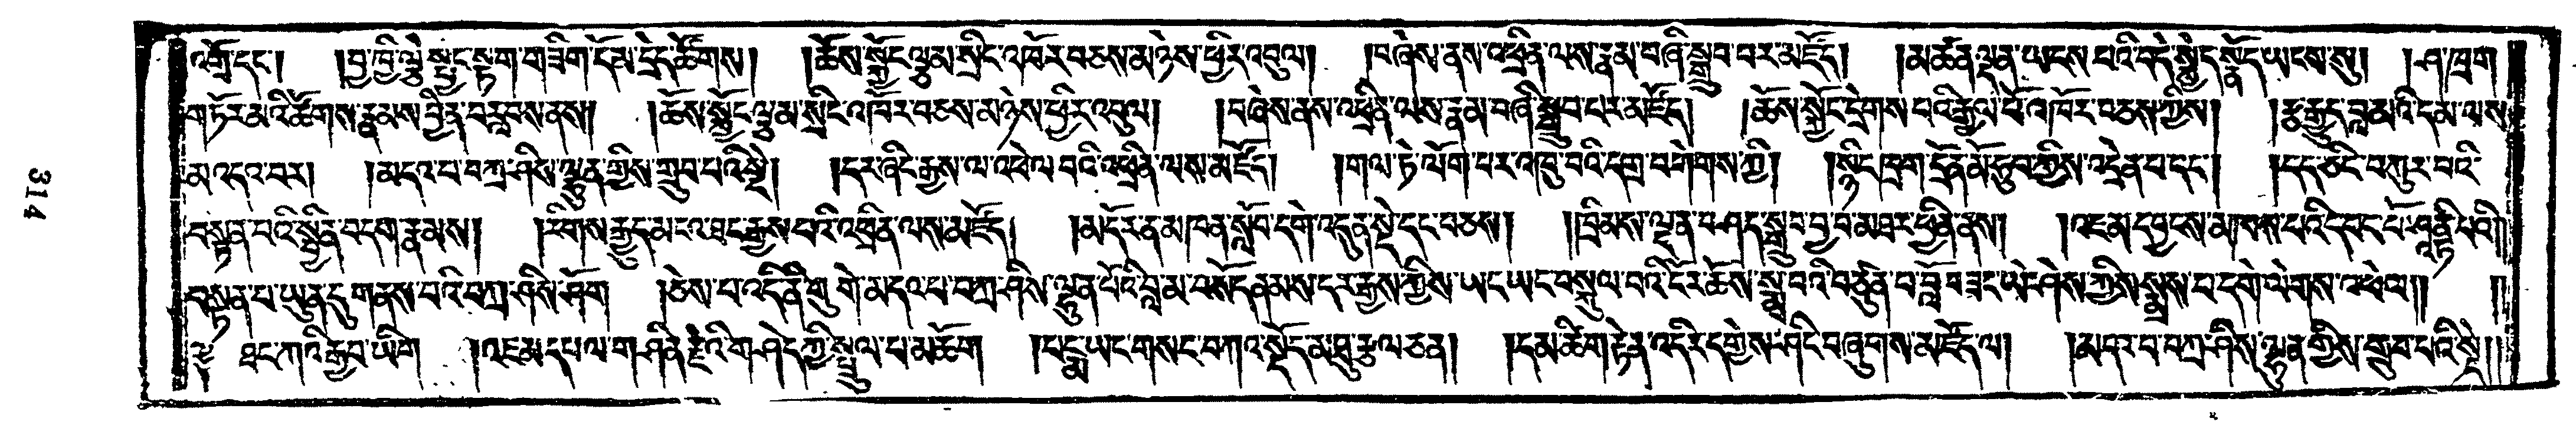འགྲོ་དང་། །བྱ་ཁྱི་ལྕེ་སྤྱང་སྟག་གཟིག་དོམ་དྲེད་ཚོགས། །ཆོས་སྐྱོང་ལྕམ་སྲིང་འཁོར་བཅས་མཉེས་ཕྱིར་འབུལ། །བཞེས་ནས་འཕྲིན་ལས་རྣམ་བཞི་སྒྲུབ་པར་མཛོད། །མཚན་ལྡན་ཡངས་པའི་བདེ་སྐྱེད་སྣོད་ཡངས་སུ། །ཤ་ཁྲག་
གཏོར་མའི་ཚོགས་རྣམས་བྱིན་བརླབས་ནས། །ཆོས་སྐྱོང་ལྕམ་སྲིང་འཁོར་བཅས་མཉེས་ཕྱིར་འབུལ། །བཞེས་ནས་འཕྲིན་ལས་རྣམ་བཞི་སྒྲུབ་པར་མཛོད། །ཆོས་སྐྱོང་དྲེགས་པའི་རྒྱལ་པོ་འཁོར་བཅས་ཀྱིས། །རྩ་རྒྱུད་བླ་མའི་དམ་ལས་
མ་འདའ་བར། །མདའ་པ་བཀྲ་ཤིས་ལྷུན་གྱིས་གྲུབ་པའི་སྡེ། །དར་ཞིང་རྒྱས་ལ་འཕེལ་བའི་འཕྲིན་ལས་མཛོད། །གལ་ཏེ་ལོག་པར་འཁུ་བའི་དགྲ་བགེགས་ཀྱི། །སྙིང་ཁྲག་དྲོན་མོ་ཧུབ་ཀྱིས་འདྲེན་པ་དང་། །དད་ཅིང་བཀུར་བའི་
བསྟན་པའི་སྦྱིན་བདག་རྣམས། །རིགས་རྒྱུད་མངའ་ཐང་རྒྱས་པའི་འཕྲིན་ལས་མཛོད། མདོར་ན་མཁན་སློབ་དགེ་འདུན་སྡེ་དང་བཅས། །ཁྲིམས་ལྡན་བཤད་སྒྲུབ་བྱ་བ་མཐར་ཕྱིན་ནས། འཇམ་དབྱངས་མཁས་པའི་དབང་པོ་ཤཱནྟི་པའི།།
བསྟན་པ་ཡུན་དུ་གནས་པའི་བཀྲ་ཤིས་ཤོག །ཅེས་པ་འདི་ནི་གུ་གེ་མདའ་པ་བཀྲ་ཤིས་ལྷུན་པོའི་བླ་མ་བསོད་ནམས་དར་རྒྱས་ཀྱིས་ཡང་ཡང་བསྐུལ་བའི་ངོར་ཆོས་སྨྲ་བའི་བཙུན་པ་བློ་བཟང་ཡེ་ཤེས་ཀྱིས་སྨྲས་པ་དགེ་ལེགས་འཕེལ།། །།
༈ ཐང་ཀའི་རྒྱབ་ཡིག །འཇམ་དཔལ་གཤིན་རྗེའི་གཤེད་ཀྱི་སྤྲུལ་པ་མཆོག །པདམ་ཡང་གསང་བཀའ་སྡོད་མཐུ་རྩལ་ཅན། །དམ་ཚིག་རྟེན་འདིར་དགྱེས་ཤིང་བཞུགས་མཛོད་ལ། །མདའ་བ་བཀྲ་ཤིས་ལྷུན་གྱིས་གྲུབ་པའི་སྡེ།།